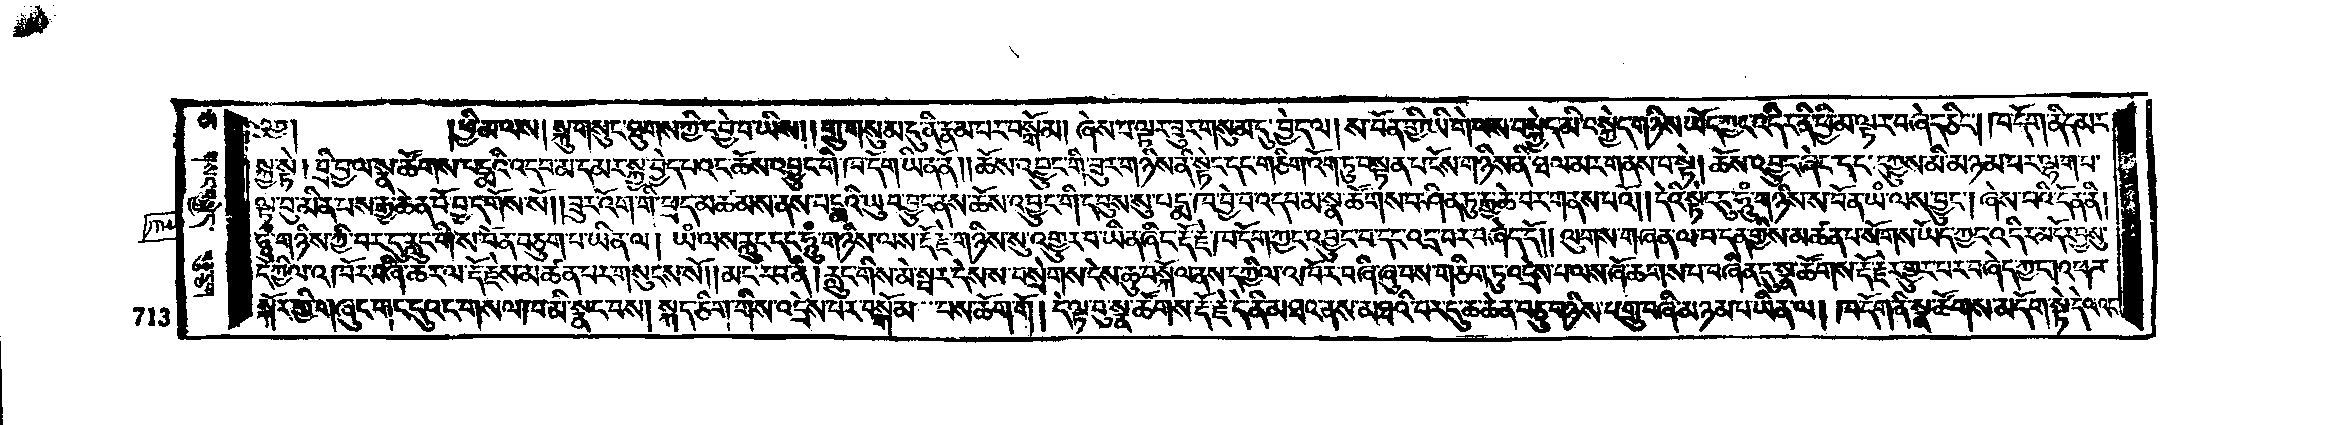༄༅། །ཕྱི་མ་ལས། སྐུ་གསུང་ཐུགས་ཀྱི་དབྱེ་བ་ཡིས། །གྲུ་གསུམ་དུ་ནི་རྣམ་པར་བསྒོམ། ཞེས་པ་ལྟར་ཟུར་གསུམ་དུ་བྱེད་ལ། ས་བོན་གྱི་ཡི་གེ་ལས་བསྐྱེད་མི་བསྐྱེད་གཉིས་ཡོད་ཀྱང་འདིར་ནི་ཕྱི་མ་ལྟར་བཞེད་ཅིང་། ཁ་དོག་ནི་དམར་
སྐྱ་སྟེ། བྲི་བྱ་ལ་སྣ་ཚོགས་པདམའི་འདབ་མ་དམར་སྐྱ་བྱེད་པའང་ཆོས་འབྱུང་གི་ཁ་དོག་ཡིན་ནོ། །ཆོས་འབྱུང་གི་ཟུར་གཉིས་ནི་སྟེང་དང་གཅིག་འོག་ཏུ་བསྟན་པ་ངོས་གཉིས་ནི་ཐལ་མར་གནས་པ་སྟེ། ཆོས་འབྱུང་ཞེང་དང་དཀྱུས་མི་མཉམ་པར་ལྷག་པ་
ལྟ་བུ་མིན་པས་རྒྱ་ཆེན་པོ་བྱ་དགོས་སོ། །ཟུར་འོག་གི་ཕྲད་མཚམས་ནས་པདམའི་ཡུབ་བྱུང་ནས་ཆོས་འབྱུང་གི་དབུས་སུ་པདམ་ཁ་བྱེ་བ་འདབ་མ་སྣ་ཚོགས་པ་ཤིན་ཏུ་རྒྱ་ཆེ་བར་གནས་པའོ། །དེའི་སྟེང་དུ་ཧཱུཾ་གཉིས་ས་བོན་ཡཾ་ལས་བྱུང་། ཞེས་པའི་དོན་ནི།
ཧཱུཾ་གཉིས་ཀྱི་བར་དུ་རླུང་གི་ས་བོན་བཅུག་པ་ཡིན་ལ། ཡཾ་ལས་རླུང་དང་ཧཱུཾ་གཉིས་ལས་རྡོ་རྗེ་གཉིས་སུ་འགྱུར་བ་ཡིན་ཞིང་རྡོ་རྗེ་ཁ་དོག་ཀྱང་འབྱུང་བ་དང་འདྲ་བར་བཞེད་དོ། །ལུགས་གཞན་ལ་བ་དན་གྱིས་མཚན་པ་སོགས་ཡོད་ཀྱང་འདིར་མདོར་བྱས་སུ་
དཀྱིལ་འཁོར་བཞི་ཆར་ལ་རྡོ་རྗེས་མཚན་པར་གསུངས་སོ། །མང་རབ་ནི། རླུང་གིས་མེ་སྦར་དེས་ས་བསྲེགས་དེས་ཆུ་བསྐོལ་ནས་དཀྱིལ་འཁོར་བཞི་ཞུ་བས་གཅིག་ཏུ་འདྲེས་པ་ལས་ཞོ་ཆགས་པ་བཞིན་དུ་སྣ་ཚོགས་རྡོ་རྗེར་གྱུར་པར་བཞེད་ཀྱང་། འཕགས་
སྐོར་གྱི་གཞུང་གང་དུའང་གསལ་ཁ་མི་སྣང་བས། སྐད་ཅིག་གིས་འདྲེས་པར་བསྒོམ་པས་ཆོག་གོ །དེ་ལྟ་བུ་སྣ་ཚོགས་རྡོ་རྗེ་དེ་ནི་མཐའ་ནས་མཐའི་བར་དུ་ཆ་ཆེན་བཅུ་གཉིས་པ་གྲུ་བཞི་མཉམ་པ་ཡིན་ལ། ཁ་དོག་ནི་སྣ་ཚོགས་མདོག་སྟེ་དེ་ལའང་